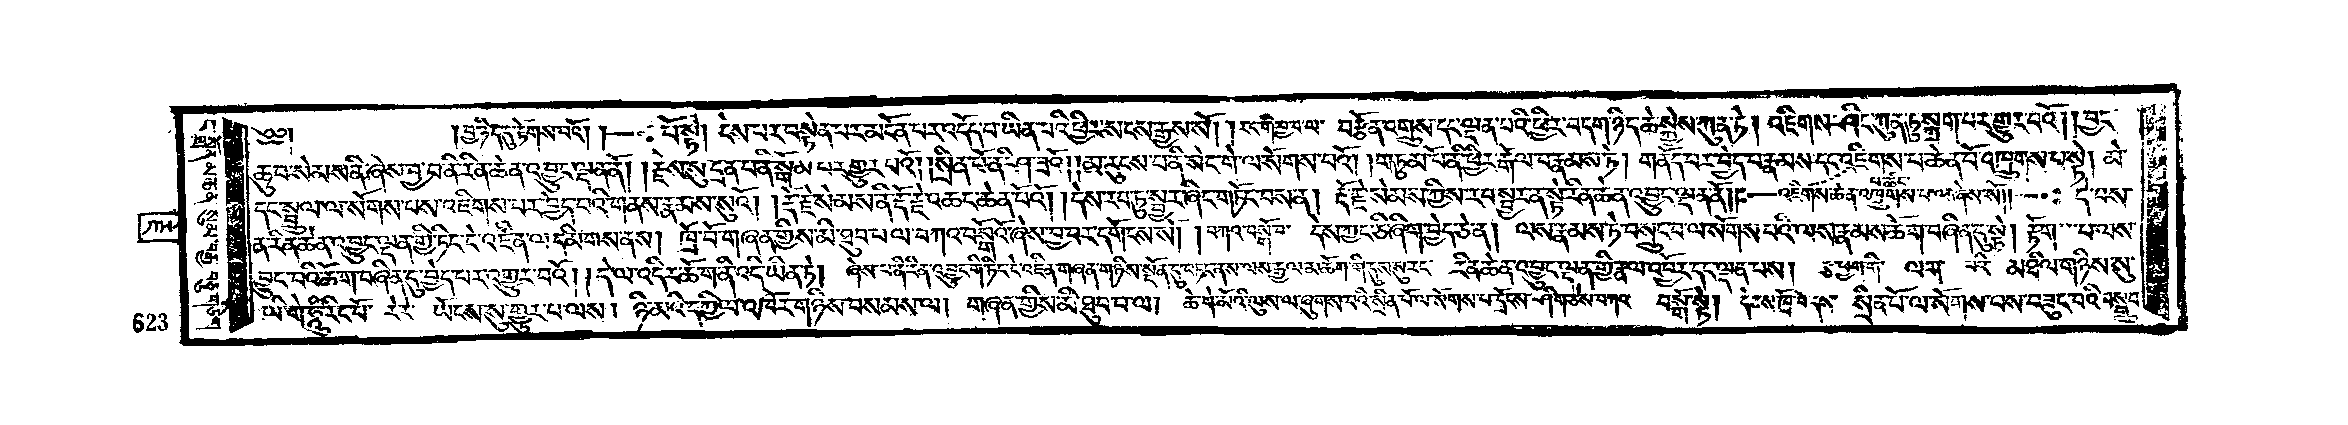༄༅། ། བྱ་ཉིད་དུ་རྟོགས་པའོ། ། .H པོ་སྟེ། ངེས་པར་བསྟེན་པར་མངོན་པར་འདོད་པ་ཡིན་པའི་ཕྱིར་སངས་རྒྱས་སོ། ། རང་གི་བྱ་བ་ལ་བརྩོན་འགྲུས་དང་ལྡན་པའི་ཕྱིར་བདག་ཉིད་ཆེ་སྐྱེས་ཀུན་ཏེ། འཇིགས་ཤིང་ཀུན་ཏུ་སྐྲག་པར་གྱུར་པའོ། །བྱང་
ཆུབ་སེམས་ནི་ཞེས་བྱ་བ་ནི་རིན་ཆེན་འབྱུང་ལྡན་ནོ། །རྗེས་སུ་དྲན་པ་ནི་སྒོམ་པར་གྱུར་པའོ། །སྲིན་པོ་ནི་ཤ་ཟའོ། །མ་རུངས་པ་ནི་སེང་གེ་ལ་སོགས་པའོ། །གཏུམ་པོ་ནི་ཕྱིར་རྒོལ་བ་རྣམས་ཏེ། གནོད་པར་བྱེད་པ་རྣམས་དང་འཇིགས་པ་ཆེན་པོ་འཁྲུགས་པ་སྟེ། མེ་
དང་སྦྲུལ་ལ་སོགས་པས་འཇིགས་པར་བྱེད་པའི་གནས་རྣམས་སུའོ། །རྡོ་རྗེ་སེམས་ནི་རྡོ་རྗེ་འཆང་ཆེན་པོའོ། །དེས་རབ་ཏུ་སྦྱར་ཞིང་གཏོང་བས་ན། རྡོ་རྗེ་སེམས་ཀྱིས་རབ་སྦྱར་ན་སྟེ་རིན་ཆེན་འབྱུང་ལྡན་ནོ།། H.་འཇིགས་ཆེན་པ་ཚང་འཁྲུགས་པ་ལ་ཞེས་སོ།། .H དེ་བས་
ན་རིན་ཆེན་འབྱུང་ལྡན་གྱི་ཏིང་ངེ་འཛིན་ལ་དམིགས་ནས། ཁྲོ་བོ་གཞན་གྱིས་མི་ཐུབ་པ་ལ་བཀའ་བསྒོའོ་ཞེས་བྱ་བར་དགོངས་སོ། ། བཀའ་བསྒོ་བ་དེས་ཀྱང་ཅི་ཞིག་བྱེད་ཅེ་ན། ལས་རྣམས་ཏེ་བསྲུང་བ་ལ་སོགས་པའི་ལས་རྣམས་ཆོ་ག་བཞིན་དུ་སྟེ། རྟོག་པ་ལས་
བྱུང་བའི་ཆོ་ག་བཞིན་དུ་བྱེད་པར་འགྱུར་བའོ། །དེ་ལ་འདིར་ཆོ་ག་ནི་འདི་ཡིན་ཏེ། ཞེས་པ་ནི་རིན་འབྱུང་གི་ཏིང་ངེ་འཛིན་གཞན་གཉིས་སྔོན་དུ་བཏང་ནས་ལས་རྒྱལ་མཆོག་གི་དུས་སུ་རང་རིན་ཆེན་འབྱུང་ལྡན་གྱི་རྣལ་འབྱོར་དང་ལྡན་པས། རྩ་ཕྱག་གི་ལག་པའི་མཐིལ་གཉིས་སུ་
ཡི་གེ་ཧཱུཾ་རིང་པོ་རེ་རེ་ཡོངས་སུ་གྱུར་པ་ལས། ཉི་མའི་དཀྱིལ་འཁོར་གཉིས་བསམས་ལ། གཞན་གྱིས་མི་ཐུབ་པ་ལ། ཆེ་གེ་མོའི་ལུས་ལ་ཞུགས་པའི་སྲིན་པོ་ལ་སོགས་པ་བྲོངས་ཤིག་ཅེས་བཀའ་བསྒོ་སྟེ། དེ་ནས་ཁྲོ་བོ་དས་སྲིན་པོ་ལ་སོགས་པས་བཟུང་བའི་བསྒྲུབ་